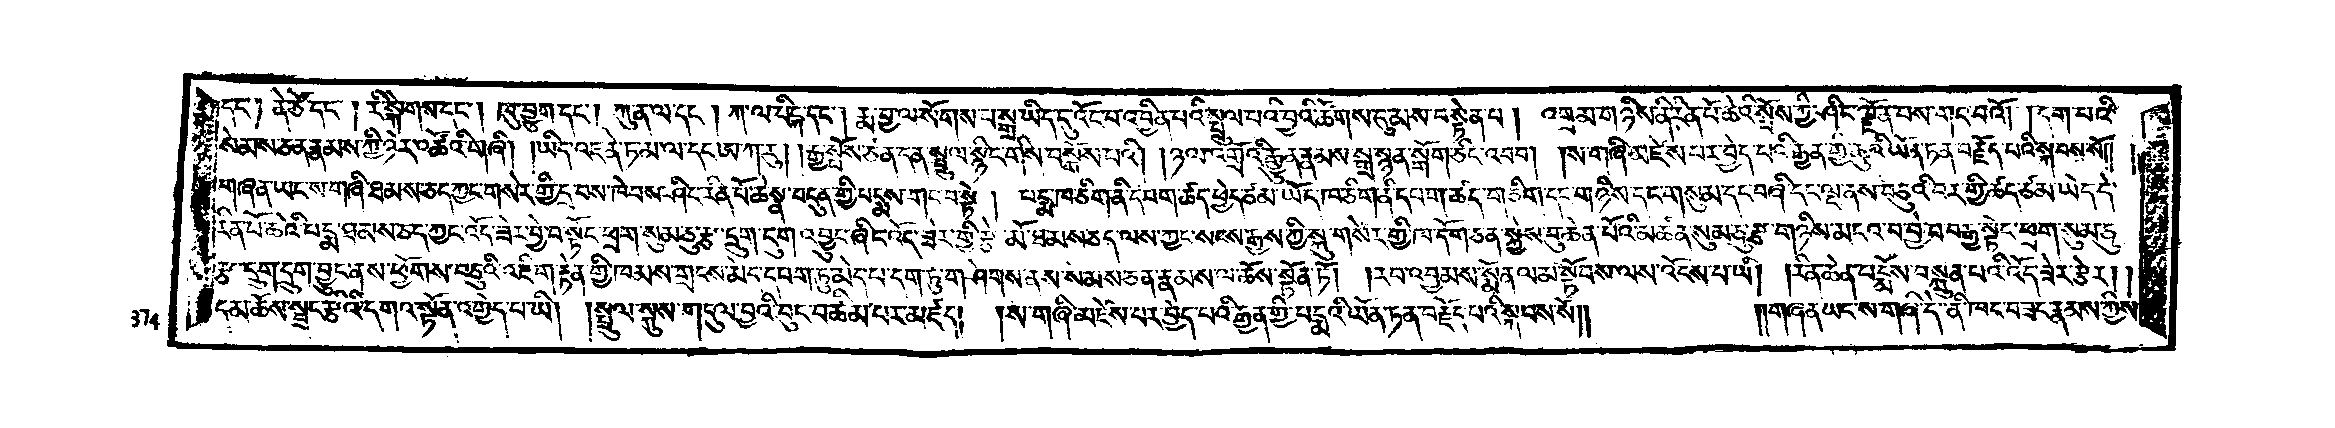དང༑ ནེ་ཙོ་དང་། རི་སྐེགས་དང་། ཁུ་བྱུག་དང་། ཀུ་ན་ལ་དང་། ཀ་ལ་པིངྐ་དང་། རྨ་བྱ་ལ་སོགས་པ་སྒྲ་ཡིད་དུ་འོང་བ་འབྱིན་པའི་སྦུལ་པའི་བྱའི་ཚོགས་དུ་མས་བསྟེན་པ། འགྲམ་གཉིས་ནི་རིན་པོ་ཆེའི་སྤོས་ཀྱི་ཤིང་ལྗོན་པས་གང་བའོ། །དག་པའི་
སེམས་ཅན་རྣམས་ཀྱི་ཉེར་འཚོའི་གཞི། །ཡིད་འཛིན་ཏ་མ་ལ་དང་ཨ་ཀ་རུ། །རྒྱ་སྤོས་ཙན་དན་སྦྲུལ་སྙིང་གིས་བསྒོས་པའི། །ཉལ་འགྲོའི་རྒྱུན་རྣམས་སྒྲ་སྙན་སྒོག་ཅིང་འབབ། །ས་གཞི་མཛེས་པར་བྱེད་པའི་རྒྱན་གྱི་ཆུའི་ཡོན་ཏན་བརྗོད་པའི་སྐབས་སོ།། །།
གཞན་ཡང་ས་གཞི་ཐམས་ཅད་ཀྱང་གསེར་གྱི་དྲ་བས་ཁེབས་ཤིང་རིན་པོ་ཆེ་སྣ་བདུན་གྱི་པདམས་གང་བ་སྟེ། པདམ་ཁ་ཅིག་ནི་དཔག་ཆེད་ཕྱེད་ཙམ་ཡོད་ཁ་ཅིག་ནི་དཔག་ཚད་གཅིག་དང་གཉིས་དང་གསུམ་དང་བཞི་དང་ལྔ་ནས་བཅུའི་བར་གྱི་ཚད་ཙམ་ཡོད་དེ་
རིན་པོ་ཆེའི་པདམ་ཐམས་ཅད་ཀྱང་འོད་ཟེར་བྱེ་བ་སྟོང་ཕྲག་སུམ་ཅུ་རྩ་དྲུག་དུག་འབྱུང་ཞིང་འོད་ཟེར་གྱི་རྩེ་མོ་ཐམས་ཅད་ལས་ཀྱང་སངས་རྒྱས་ཀྱི་སྐུ་གསེར་གྱི་ཁ་དོག་ཅན་སྐྱེས་བུ་ཆེན་པོའི་མཚན་སུམ་ཅུ་རྩ་གཉིས་མངའ་བ་བྱེ་བ་བརྒྱ་སྟོང་ཕྲག་སུམ་ཅུ་
རྩ་དྲུག་དྲུག་བྱུང་ནས་ཕྱོགས་བཅུའི་འཇིག་རྟེན་གྱི་ཁམས་གྲངས་མེད་དཔག་ཏུ་མེད་པ་དག་ཏུ་གཤེགས་ནས་སེམས་ཅན་རྣམས་ལ་ཅེས་སྟོན་ཏོ། །རབ་འབྱམས་སྨོན་ལམ་སྟོབས་ལས་འོངས་པ་ཡི། །རིན་ཆེན་པདམོས་བསྐྲུན་པའི་འོད་ཟེར་རྩེར། །
དམ་ཆོས་སྦྲང་རྩིའི་དགའ་སྟོན་འགྱེད་པ་ཡི། །སྤྲུལ་སྐུས་གདུལ་བྱའི་བུང་བ་ཆིམ་པར་མཛད། །ས་གཞི་མཛེས་པར་བྱེད་པའི་རྒྱན་གྱི་པདམའི་ཡོན་ཏན་བརྗོད་པའི་སྐབས་སོ།། །།གཞན་ཡང་ས་གཞི་དེ་ནི་ཁང་བཟང་རྣམས་ཀྱིས་